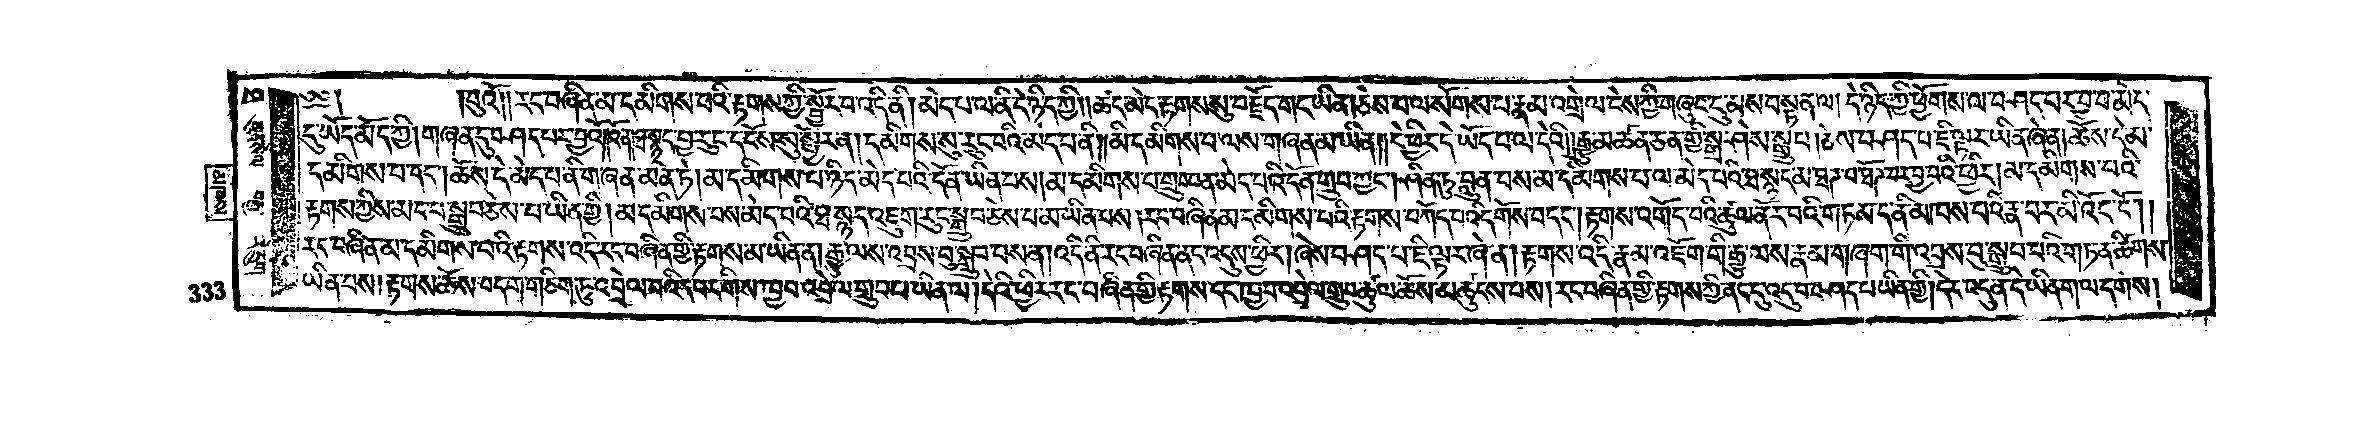༄༅། །བུའོ། །རང་བཞིན་མ་དམིགས་པའི་རྟགས་ཀྱི་སྦྱོར་བ་འདི་ནི། མེད་པ་ལ་ནི་དེ་ཉིད་ཀྱི། །ཚད་མེད་རྟགས་སུ་བརྗོད་གང་ཡིན། ཅེས་པ་ལ་སོགས་པ་རྣམ་འགྲེལ་ངེས་ཀྱི་གཞུང་དུ་མས་བསྟན། །དེ་ཉིད་ཀྱི་ཕྱོགས་ལ་བཤད་པར་བྱ་བ་མང་
དུ་ཡོད་མོད་ཀྱི། གཞན་དུ་བཤད་པར་བྱའོ། །འོ་ན། ཐ་སྙད་བྱ་རུང་དངོས་སུ་སྦྱོར་ན། དམིགས་སུ་རུང་བའི་མེད་པ་ནི། །མི་དམིགས་པ་ལས་གཞན་མ་ཡིན། །དེ་ཕྱིར་དེ་ཡོད་པ་ལ་དེའི། །རྒྱུ་མཚན་ཅན་གྱི་སྒྲ་ཤེས་སྒྲུབ། ཅེས་བཤད་པ་ཇི་ལྟར་ཡིན་ཞེ་ན། ཆོས་དེ་མ་
དམིགས་པ་དང་། ཆོས་དེ་མེད་པ་ནི་གཞན་མིན་ཏེ། མ་དམིགས་པ་ཉིད་མེད་པའི་དོན་ཡིན་པས། མ་དམིགས་པ་གྲུབ་པ་ན་མེད་པའི་དོན་གྲུབ་ཀྱང་། ཤིན་ཏུ་བླུན་པས་མ་དམིགས་པ་ལ་མེད་པའི་ཐ་སྙད་མ་ཐོགས་པ་ཐོགས་པར་བྱ་བའི་ཕྱིར། མ་དམིགས་པའི་
རྟགས་ཀྱིས་མེད་པ་སྒྲུབ་ཅེས་པ་ཡིན་གྱི། མ་དམིགས་པས་མེད་པའི་ཐ་སྙད་འཇུག་རུང་སྒྲུབ་ཅེས་པ་མ་ཡིན་པས། རང་བཞིན་མ་དམིགས་པའི་རྟགས་བཀོད་པའི་དགོས་པ་དང་། རྟགས་འགོད་པའི་ཚུལ་ནོར་བའི་གཏམ་དེ་ནི་མཁས་པའི་རྣ་བར་མི་འོང་ངོ། །
རང་བཞིན་མ་དམིགས་པའི་རྟགས་འདི་རང་བཞིན་གྱི་རྟགས་མ་ཡིན་ན། རྒྱུ་ལས་འབྲས་བུ་སྒྲུབ་པས་ན། འདི་ནི་རང་བཞིན་ནང་འདུས་ཕྱིར། ཞེས་བཤད་པ་ཇི་ལྟར་ཞེ་ན། རྟགས་འདི་རྣམ་འཇོག་གི་རྒྱུ་ལས་རྣམ་གཞག་གི་འབྲས་བུ་སྒྲུབ་པའི་གཏན་ཚིགས་
ཡིན་པས། རྟགས་ཆོས་བདག་གཅིག་ཏུ་འབྲེལ་བའི་དབང་གིས་ཁྱབ་འབྲེལ་གྲུབ་པ་ཡིན་ལ། དེའི་ཕྱིར་རང་བཞིན་གྱི་རྟགས་དང་ཁྱབ་འབྲེལ་གྲུབ་ཚུལ་ཆོས་མཚུངས་པས། རང་བཞིན་གྱི་རྟགས་ཀྱི་ནང་དུ་འདུ་བ་བཤད་པ་ཡིན་གྱི། དེར་འདུ་ན་དེ་ཡིན་ག་ལ་དགོས།